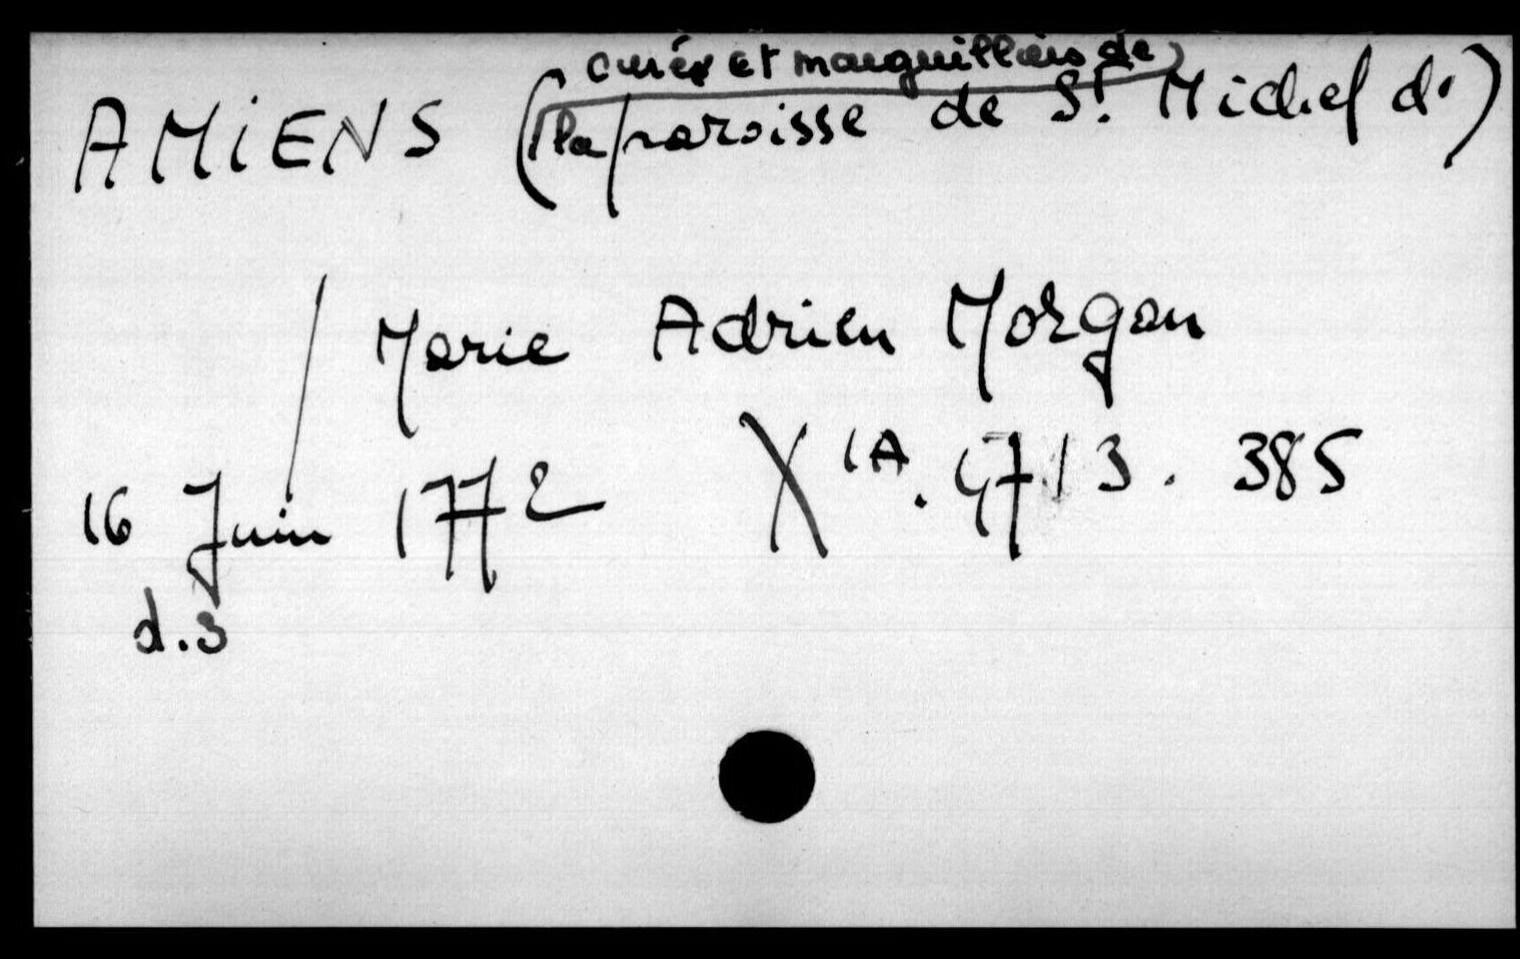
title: AMIENS (curés et marguilliers de la paroisse de Saint-Michel d')
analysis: Contre Marie Adrien Morgan
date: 16 juin 1772
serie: X1A
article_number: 4713
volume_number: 385
